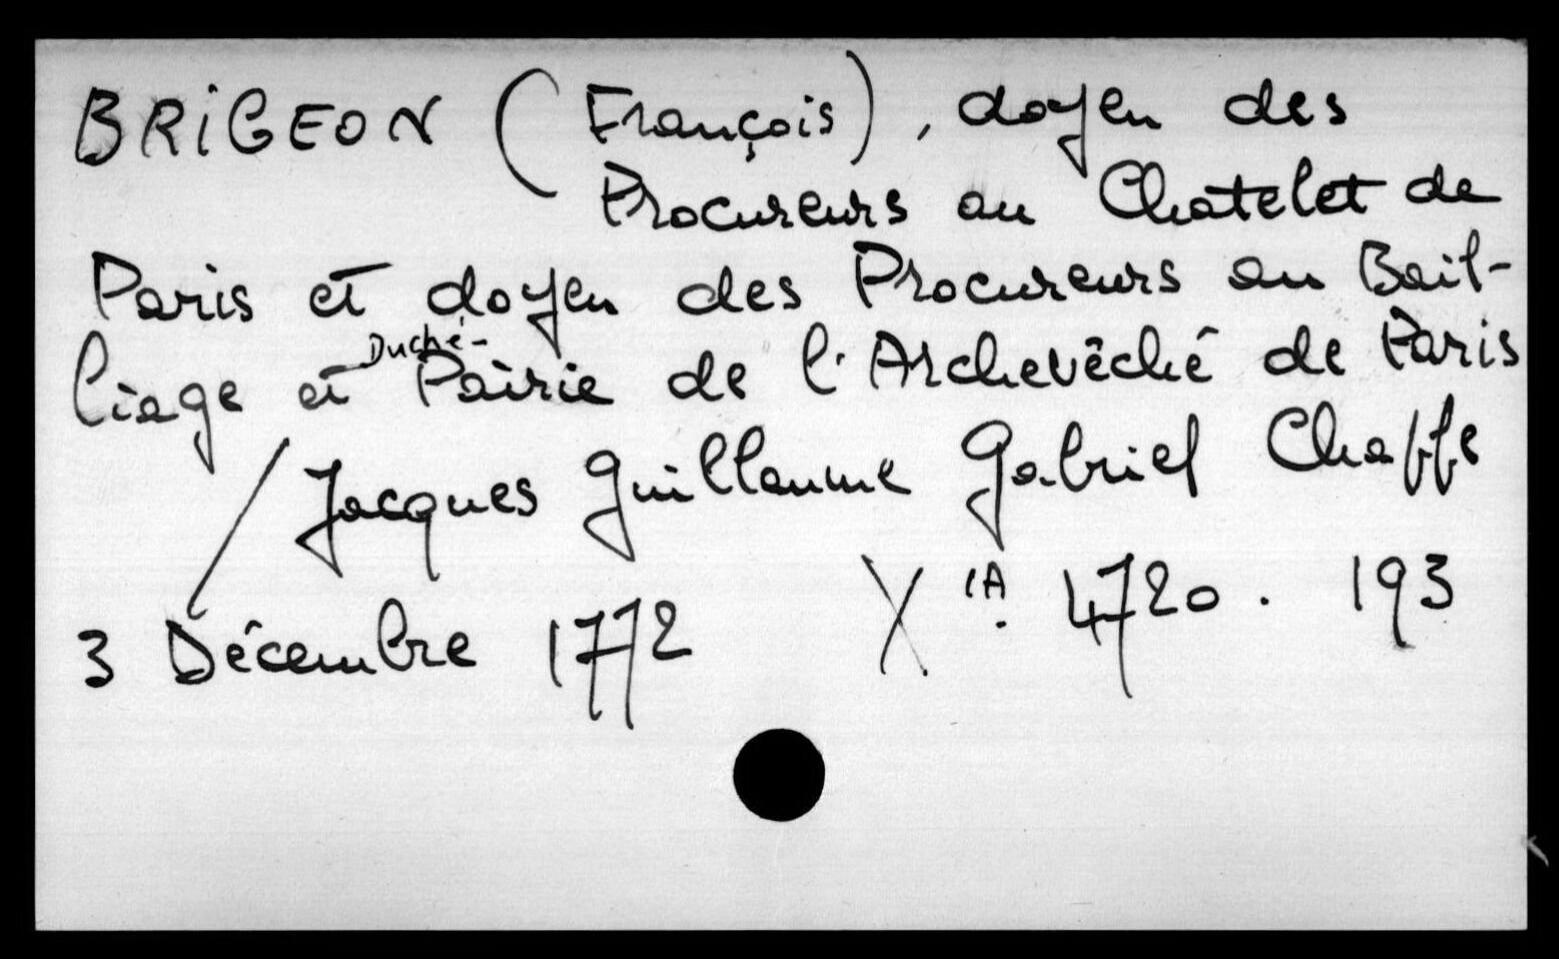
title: BRIGEON (François), doyen des procureurs au Châtelet de Paris et doyen des Procureurs au Bailliage et Duché Pairie de l'Archevêché de Paris
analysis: Contre Jacques Guillaume Gabriel Chappe
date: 3 décembre 1772
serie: X1A
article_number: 4720
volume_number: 193
